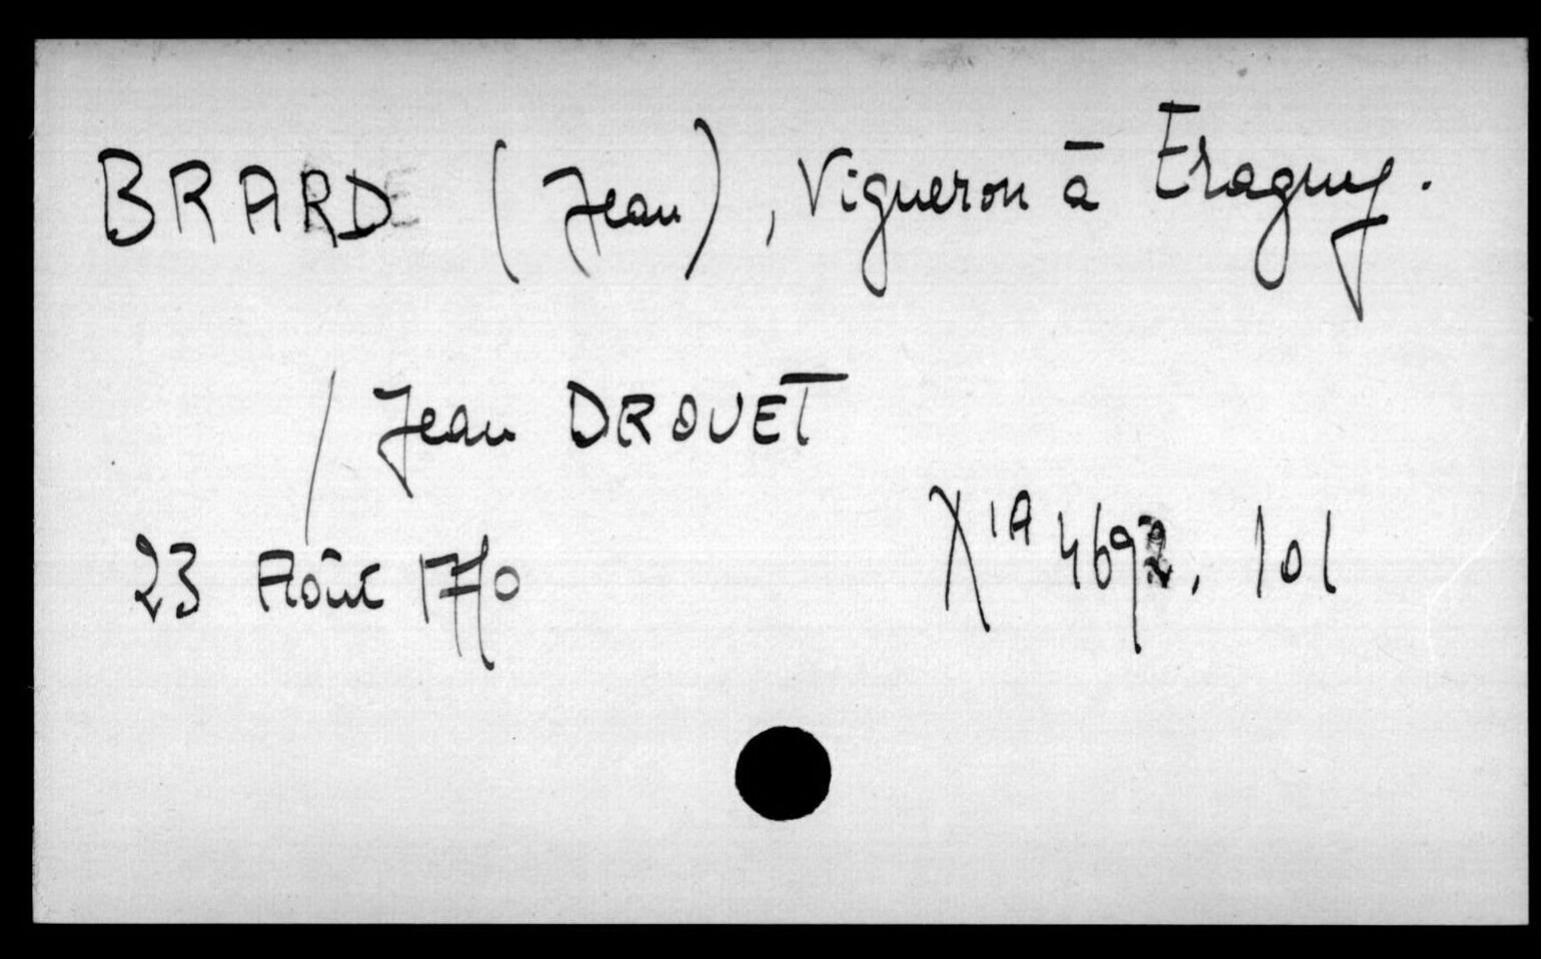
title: BRARD (Jean) Vigneron à Eragny
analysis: Contre Jean DROUET
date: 23 août 1770
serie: X1A
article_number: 4692
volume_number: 101
